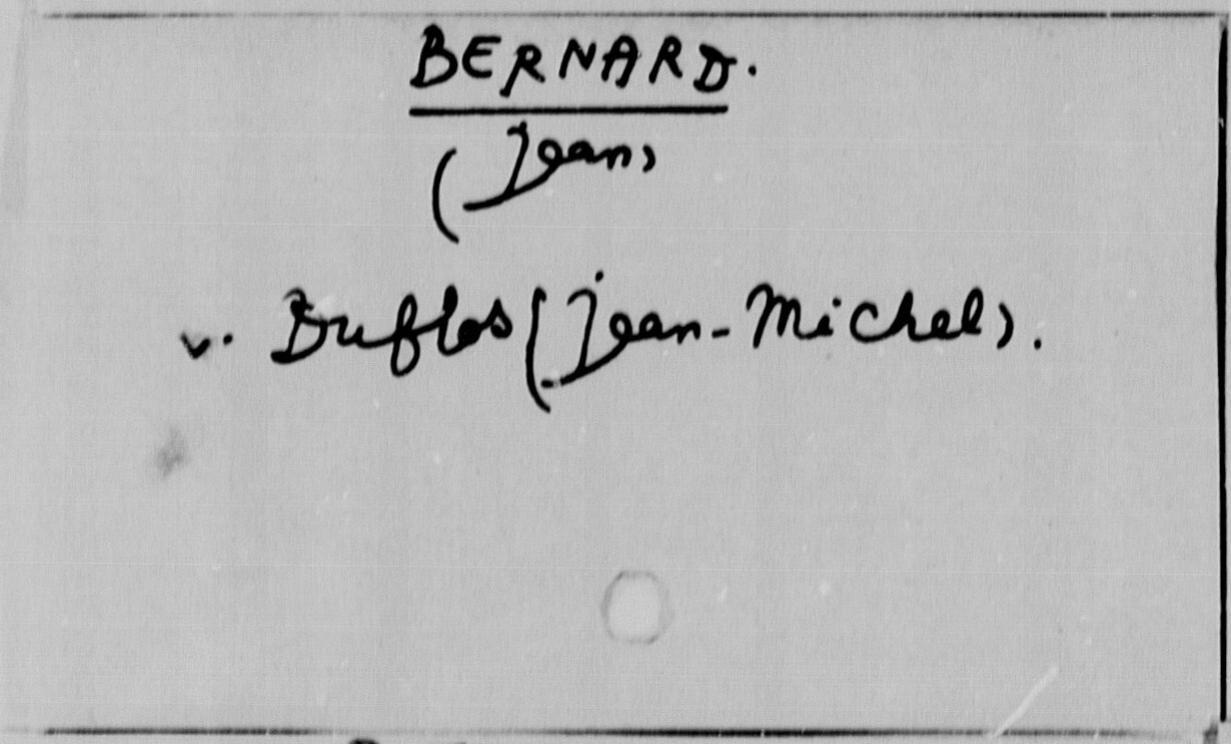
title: BERNARD (Jean)
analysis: Voir DufLos (Jean-Michel)
